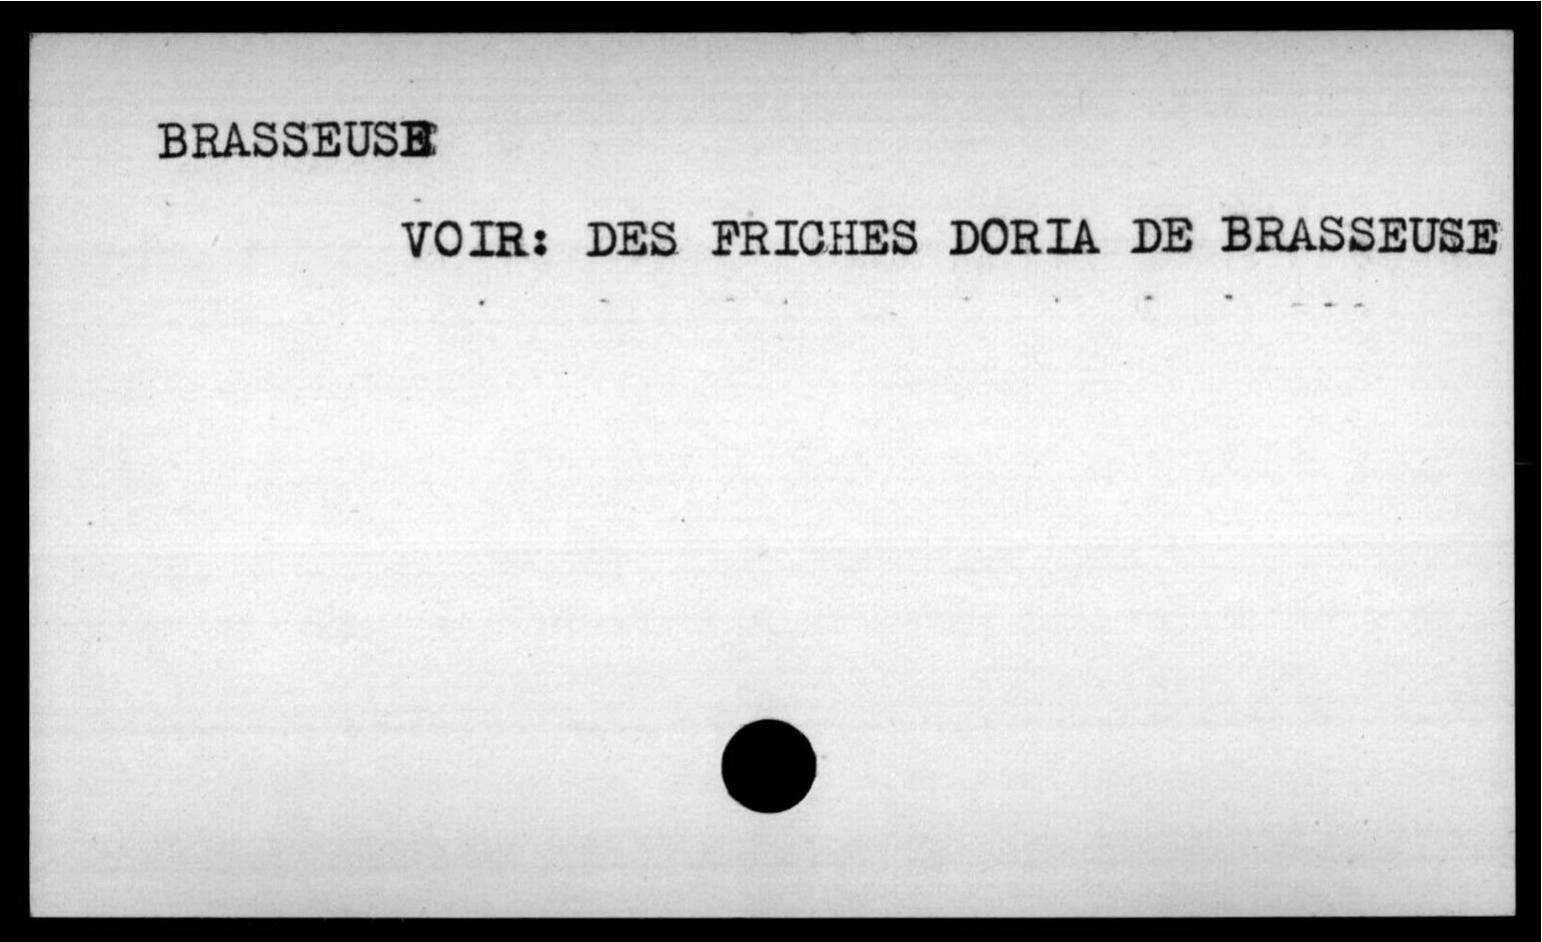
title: BRASSEUSE
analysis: VOIR : DES FRICHES DORIA DE BRASSEUSE
